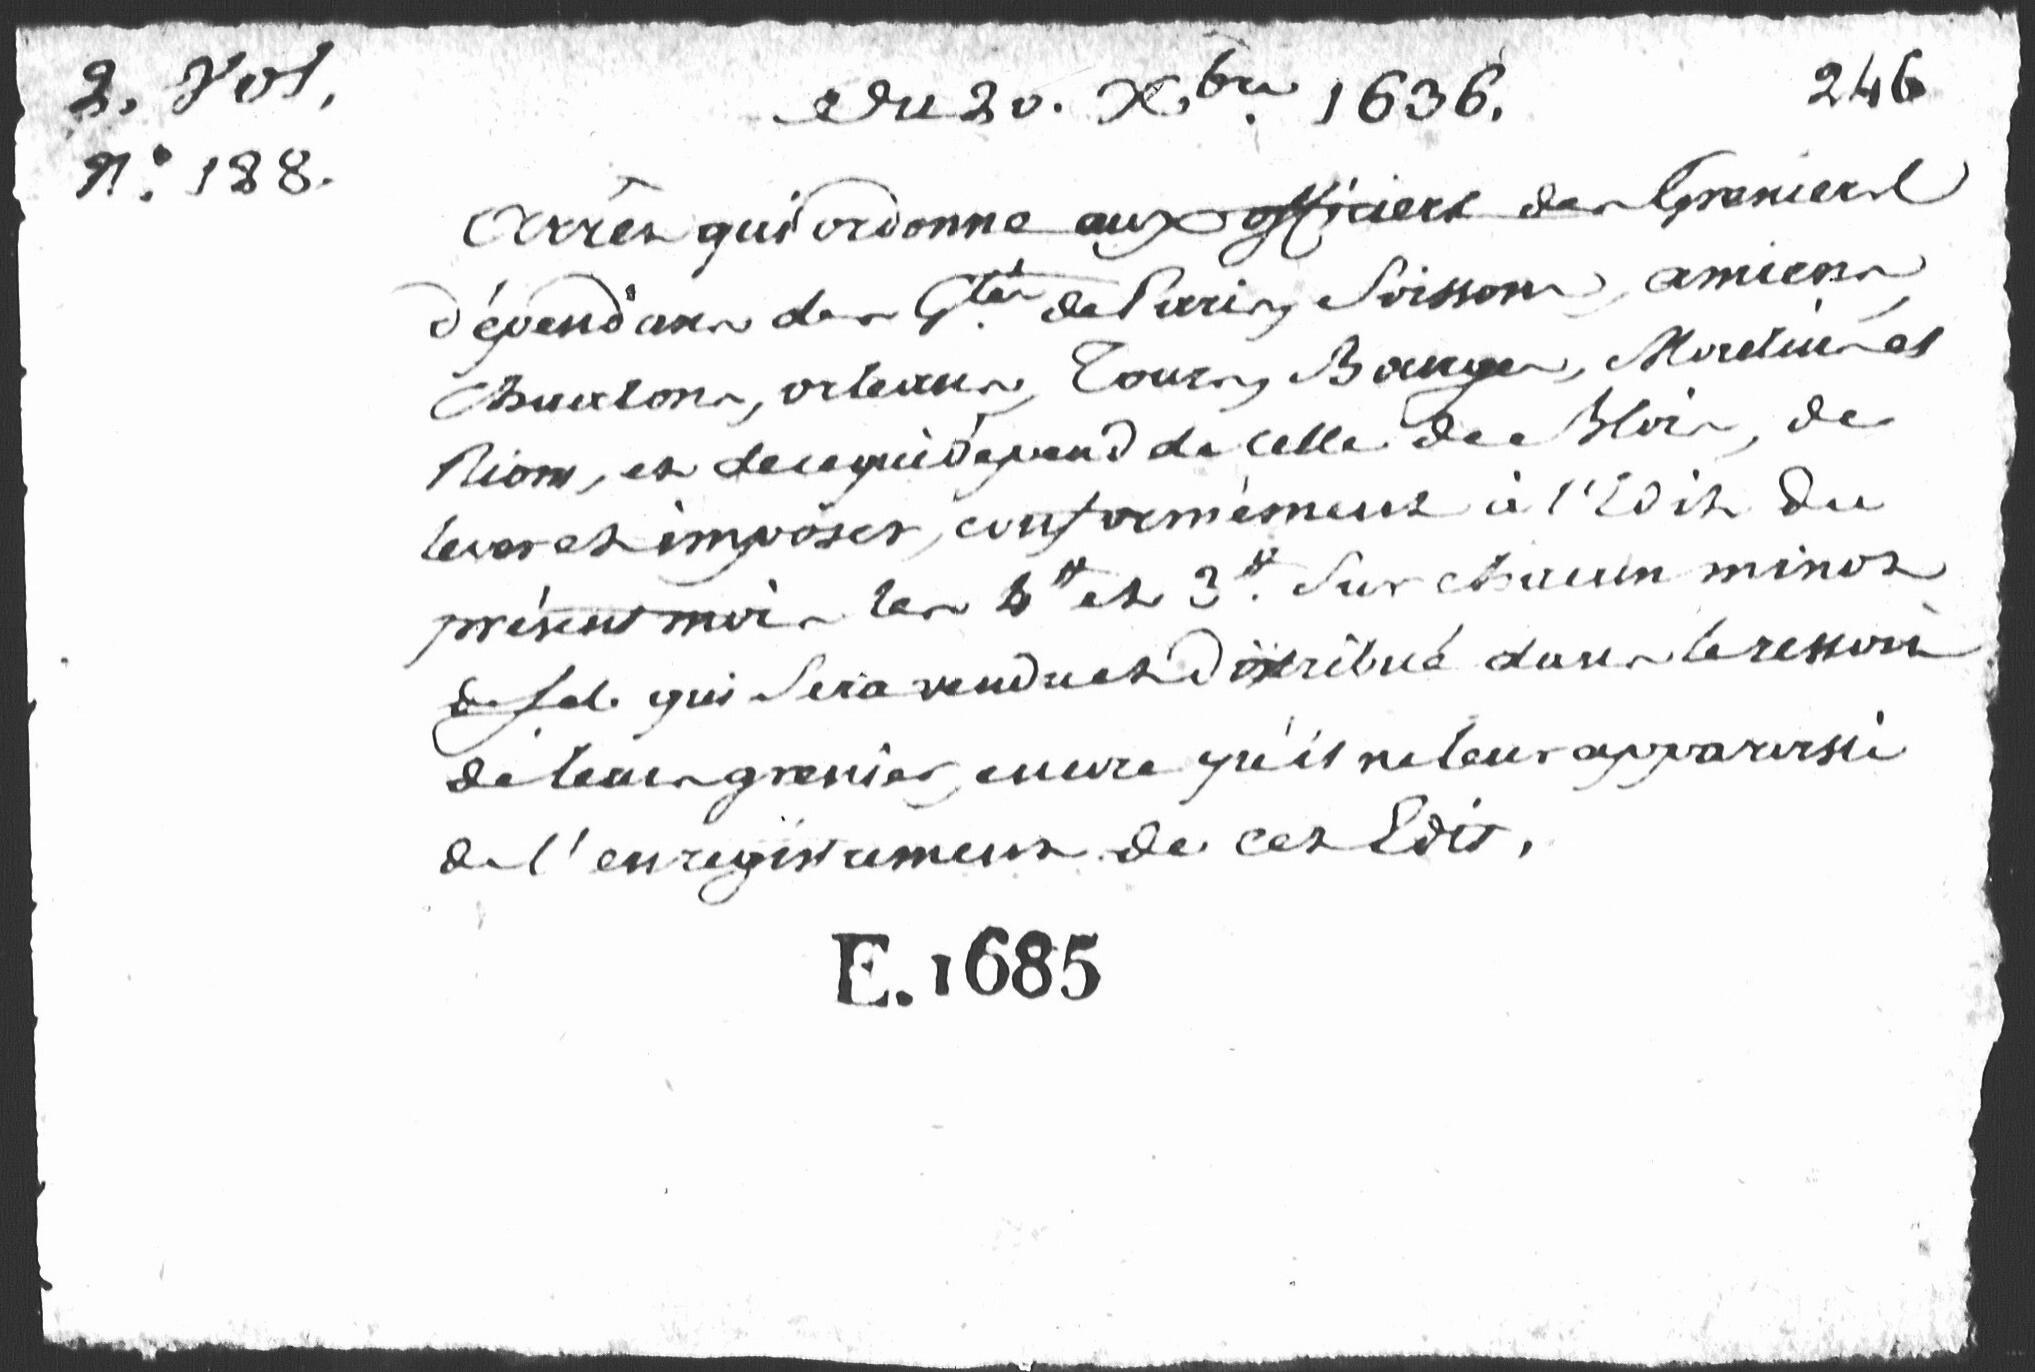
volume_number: n°128
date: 20 décembre 1636
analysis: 246
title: Arrêt qui ordonne aux officiers des Greniers dépendans des G.tés de paris, Soissons, Amiens, Chaalons, Orleans, Tours, Bourges, Moulins et Riom, et de ce qui dépend de celle de Blois, de lever et imposer, conformément à l'Edit du present mois les 4 # et 3 # sur chacun minot de sel qui sera vendu et distribué dans le ressort de leurs greniers encore qu'il ne leur apparoisse de l'enregistrement de cet Edit.
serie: E
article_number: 1685
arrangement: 2. vol.
